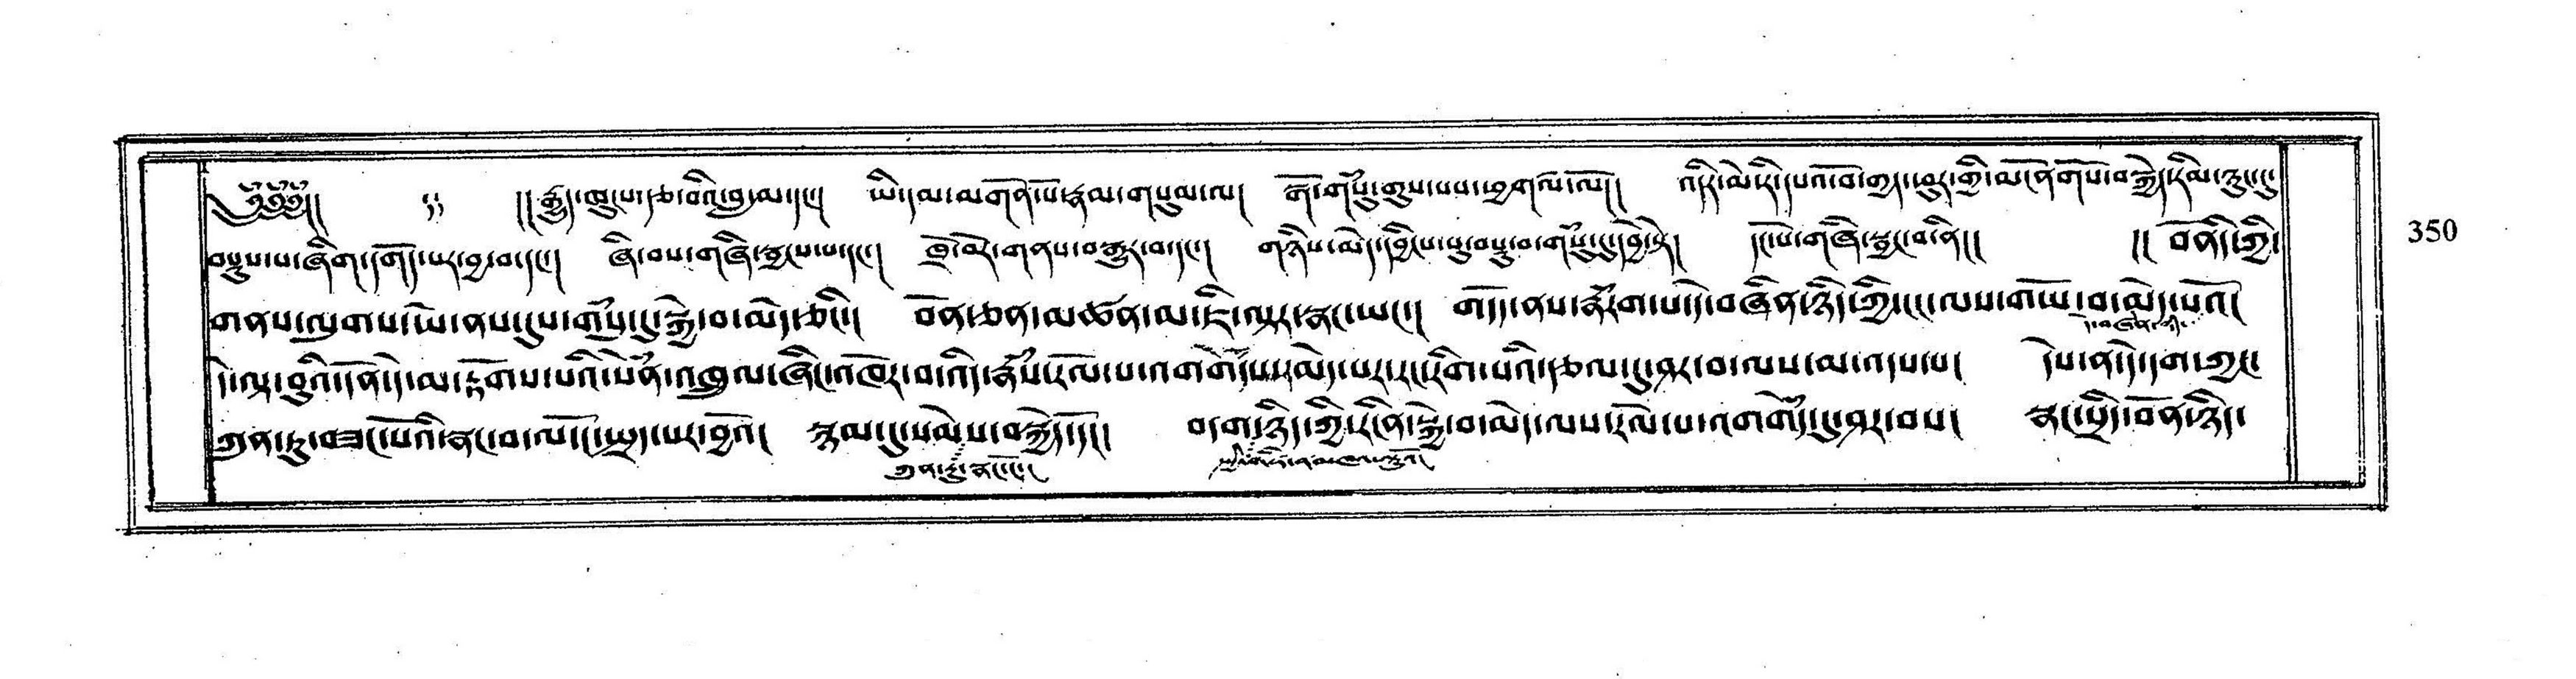{360}༄༅༅།། །།རྒྱུད་ཁུངས་རྩ་བའི་བླ་མ་དང་། ཡི་དམ་མགོན་པོ་རྣམ་གསུམ་ལ། སྒོ་གསུམ་གུས་པས་ཕྱག་འཚལ་ལོ།། འདིར་མེ་རི་དཔའ་བོ་གྱད་ཕུར་གྱི་མངོན་རྟོགས་བསྐྱེད་རིམ་ཉུང་དུ་
བསྡུས་པ་ཞིག་དགོད་པར་བྱ་བ་དང་། ཞི་བས་གཞི་སྦྱངས་པ་དང་། ཁྲོ་བོར་གནས་བསྒྱུར་བ་དང་། གཉིས་མེད་དབྱིངས་སུ་བསྡུ་བ་གསུམ་དུ་དབྱེ་སྟེ། དང་པོ་གཞི་སྦྱང་བ་ནི།། །།བོན་ཉིད་ཀྱི་
གནས་ལུགས་ཡེ་ནས་དུས་གསུམ་དུ་སྐྱེ་བ་མེད་ཅིང་། བོན་ཅན་མཚན་མ་ཇི་ལྟར་སྣང་ཡང་།། གདོད་ནས་རྣམ་པར་དག་པ་དེ་བཞིན་ཉིད་ཀྱི་ངང་ལས་གཡོ་བ་མེད་པའོ།
དེ་བཞིན་ཉིད་དོ།། དེ་ལྟ་བུའི་དོན་དེ་མ་རྟོགས་པའི་སེམས་ཅན་འཁྲུལ་ཞིང་འཁོར་བ་འདི་རྣམས་རོལ་པ་འགག་པ་མེད་པར་རང་རིག་པའི་རྩལ་དུ་ཤར་བ་ལས་མ་འདས་པ། དེས་ན་དེ་དག་ཀྱང་
ཀུན་ཏུ་བཟང་པོའི་སྣང་བ་ {361}ལ་ངོ་སྤྲད་པར་བྱའོ། སྙམ་སུ་སེམས་ཀུན་ཏུ་སྣང་ངོ་། བསྐྱེད་དོ། བདག་སྤྱི་གཞི་ནམ་མཁའ་ལྟ་བུའོ། ཉིད་ཀྱི་རང་བཞིན་སྐྱེ་བ་མེད་པ་ལས་རོལ་པ་འགག་མེད་དུ་ཤར་བས། སྣང་སྲིད་བོན་ཉིད་